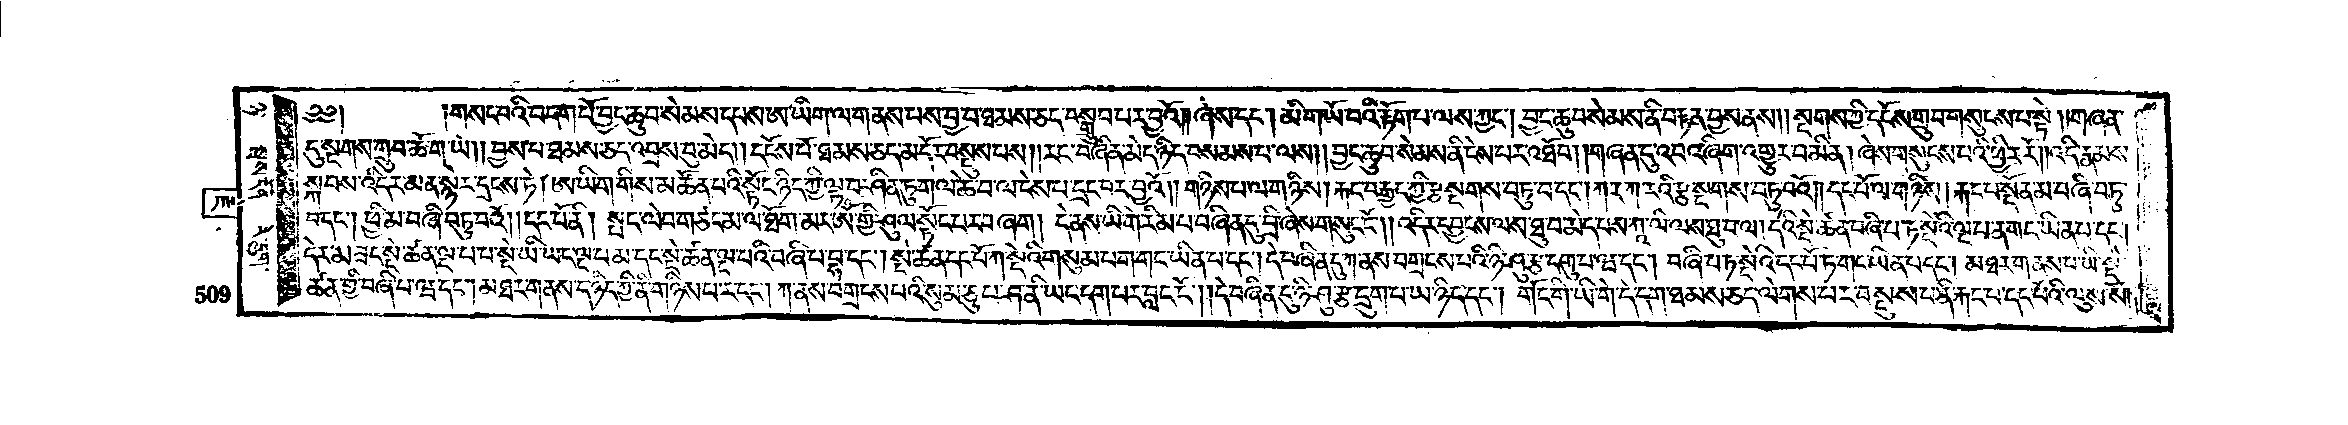༄༅། །གསང་བའི་བདག་པོ་བྱང་ཆུབ་སེམས་དཔས་ཨ་ཡིག་ལ་གནས་པས་བྱ་བ་ཐམས་ཅད་བསྒྲུབ་པར་བྱའོ། །ཞེས་དང་། མི་གཡོ་བའི་རྟོག་པ་ལས་ཀྱང་། བྱང་ཆུབ་སེམས་ནི་བརྟན་བྱས་ནས། །སྔགས་ཀྱི་དངོས་གྲུབ་གསུངས་པ་སྟེ། །གཞན་
དུ་སྔགས་གྲུབ་ཆོ་ག་ཡི། །བྱས་པ་ཐམས་ཅད་འབྲས་བུ་མེད། །དངོས་པོ་ཐམས་ཅད་མདོར་བསྡུས་པས། །རང་བཞིན་མེད་ཉིད་བསམས་པ་ལས། །བྱང་ཆུབ་སེམས་ནི་ངེས་པར་འཐོབ། །གཞན་དུ་འབའ་ཞིག་འགྱུར་བ་མིན། ཞེས་གསུངས་པའི་ཕྱིར་རོ། །འདི་རྣམས་
སྐབས་འདིར་མན་སྙེར་དྲངས་ཏེ། ཨ་ཡིག་གིས་མཚོན་པའི་སྟོང་ཉིད་ཀྱི་ལྟ་བ་ཤིན་ཏུ་གལ་ཆེ་བ་ལ་ངེས་པ་དྲང་བར་བྱའོ། །གཉིས་པ་ལ་གཉིས། རྐང་བརྒྱད་ཀྱི་རྩ་སྔགས་བཏུ་བ་དང་། ཀ་ར་ཀ་རའི་རྩ་སྔགས་བཏུ་བའོ། །དང་པོ་ལ་གཉིས། རྐང་པ་སྔོན་མ་བཞི་བཏུ་
བ་དང་། ཕྱི་མ་བཞི་བཏུ་བའོ། །དང་པོ་ནི། སྤང་ལེབ་གཙང་མ་ལ་ཐོག་མར་ཨོཾ་གྱི་ཤུལ་སྟོང་པར་བཞག །དེ་ནས་ཡི་གེ་རིམ་པ་བཞིན་དུ་བྲི་ཞེས་གསུང་ངོ། །འདིར་དབྱངས་ལས་ཐུབ་མེད་པས་ཀཱ་ལི་ལས་ཐུབ་ལ། དེའི་སྡེ་ཚན་བཞི་པ་ཏ་སྡེའི་ལྔ་པ་ན་གང་ཡིན་པ་དང་།
དེར་མ་ཟང་སྡེ་ཚན་ལྔ་པ་པ་སྡེ་ཡི་ཡང་ལྔ་པ་མ་དང་སྡེ་ཚན་ལྔ་པའི་བཞི་པ་བྷ་དང་། སྡེ་ཚན་དང་པོ་ཀ་སྡེའི་གསུམ་པ་ག་གང་ཡིན་པ་དང་། དེ་བཞིན་དུ་ཀ་ནས་བགྲངས་པའི་ཉི་ཤུ་རྩ་དགུ་པ་ཝ་དང་། བཞི་པ་ཏ་སྡེའི་དང་པོ་ཏ་གང་ཡིན་པ་དང་། མཐར་གནས་པ་ཡི་སྡེ་
ཚན་གྱི་བཞི་པ་ཝ་དང་། མཐར་གནས་ད་ཉིད་ཀྱི་ནི་གཉིས་པ་ར་དང་། ཀ་ནས་བགྲངས་པའི་སུམ་ཅུ་པ་ཤ་ནི་ཡང་དག་པར་བླང་ངོ། །དེ་བཞིན་དུ་ཉི་ཤུ་རྩ་དྲུག་པ་ཡ་ཉིད་དང་། གོང་གི་ཡི་གེ་དེ་དག་ཐམས་ཅད་ལེགས་པར་བསྡུས་པ་ནི་རྐང་པ་དང་པོའི་ལུས་སོ། །